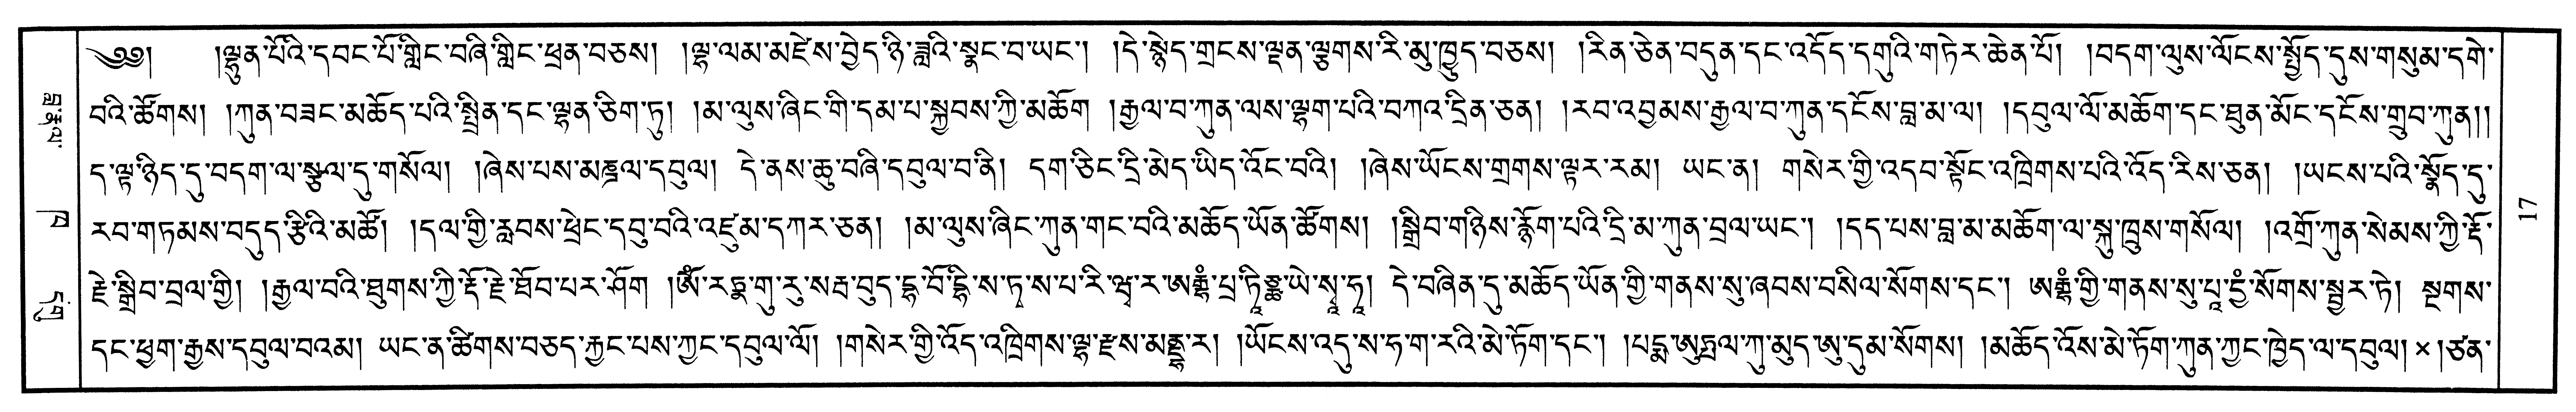༄༅། །ལྷུན་པོའི་དབང་པོ་གླིང་བཞི་གླིང་ཕྲན་བཅས། །ལྷ་ལམ་མཛེས་བྱེད་ཉི་ཟླའི་སྣང་བ་ཡང་། །དེ་སྙེད་གྲངས་ལྡན་ལྕགས་རི་མུ་ཁྱུད་བཅས། །རིན་ཅེན་བདུན་དང་འདོད་དགུའི་གཏེར་ཆེན་པོ། །བདག་ལུས་ལོངས་སྤྱོད་དུས་གསུམ་དགེ་
བའི་ཚོགས། །ཀུན་བཟང་མཆོད་པའི་སྤྲིན་དང་ལྷན་ཅིག་ཏུ། །མ་ལུས་ཞིང་གི་དམ་པ་སྐྱབས་ཀྱི་མཆོག །རྒྱལ་བ་ཀུན་ལས་ལྷག་པའི་བཀའ་དྲིན་ཅན། །རབ་འབྱམས་རྒྱལ་བ་ཀུན་དངོས་བླ་མ་ལ། །དབུལ་ལོ་མཆོག་དང་ཐུན་མོང་དངོས་གྲུབ་ཀུན།།
ད་ལྟ་ཉིད་དུ་བདག་ལ་སྩལ་དུ་གསོལ། །ཞེས་པས་མཎྜལ་དབུལ། དེ་ནས་ཆུ་བཞི་དབུལ་བ་ནི། དག་ཅིང་དྲི་མེད་ཡིད་འོང་བའི། །ཞེས་ཡོངས་གྲགས་ལྟར་རམ། ཡང་ན། གསེར་གྱི་འདབ་སྟོང་འཁྲིགས་པའི་འོད་རིས་ཅན། །ཡངས་པའི་སྣོད་དུ་
རབ་གཏམས་བདུད་རྩིའི་མཚོ། །དལ་གྱི་རླབས་ཕྲེང་དབུ་བའི་འཛུམ་དཀར་ཅན། །མ་ལུས་ཞིང་ཀུན་གང་བའི་མཆོད་ཡོན་ཚོགས། །སྒྲིབ་གཉིས་རྙོག་པའི་དྲི་མ་ཀུན་བྲལ་ཡང་། །དད་པས་བླ་མ་མཆོག་ལ་སྐུ་ཁྲུས་གསོལ། །འགྲོ་ཀུན་སེམས་ཀྱི་རྡོ་
རྗེ་སྒྲིབ་བྲལ་གྱི། །རྒྱལ་བའི་ཐུགས་ཀྱི་རྡོ་རྗེ་ཐོབ་པར་ཤོག །ཨོཾ་རཏྣ་གུ་རུ་སརྦ་བུད་དྷ་བོ་དྷི་ས་ཏྭ་ས་པ་རི་ཝཱ་ར་ཨརྒྷཾ་པྲ་ཏཱིཙྪ་ཡེ་སྭཱ་ཧཱ། དེ་བཞིན་དུ་མཆོད་ཡོན་གྱི་གནས་སུ་ཞབས་བསིལ་སོགས་དང་། ཨརྒྷཾ་གྱི་གནས་སུ་པཱ་དྱཾ་སོགས་སྦྱར་ཏེ། སྔགས་
དང་ཕྱག་རྒྱས་དབུལ་བའམ། ཡང་ན་ཚིགས་བཅད་རྐྱང་པས་ཀྱང་དབུལ་ལོ། །གསེར་གྱི་འོད་འཁྲིགས་ལྷ་རྫས་མནྡྷ་ར། །ཡོངས་འདུ་ས་ཧ་ག་རའི་མེ་ཏོག་དང་། །པདམ་ཨུཏྤལ་ཀུ་མུད་ཨུ་དུམ་སོགས། །མཆོད་འོས་མེ་ཏོག་ཀུན་ཀྱང་ཁྱེད་ལ་དབུལ། ྾་།ཙན་